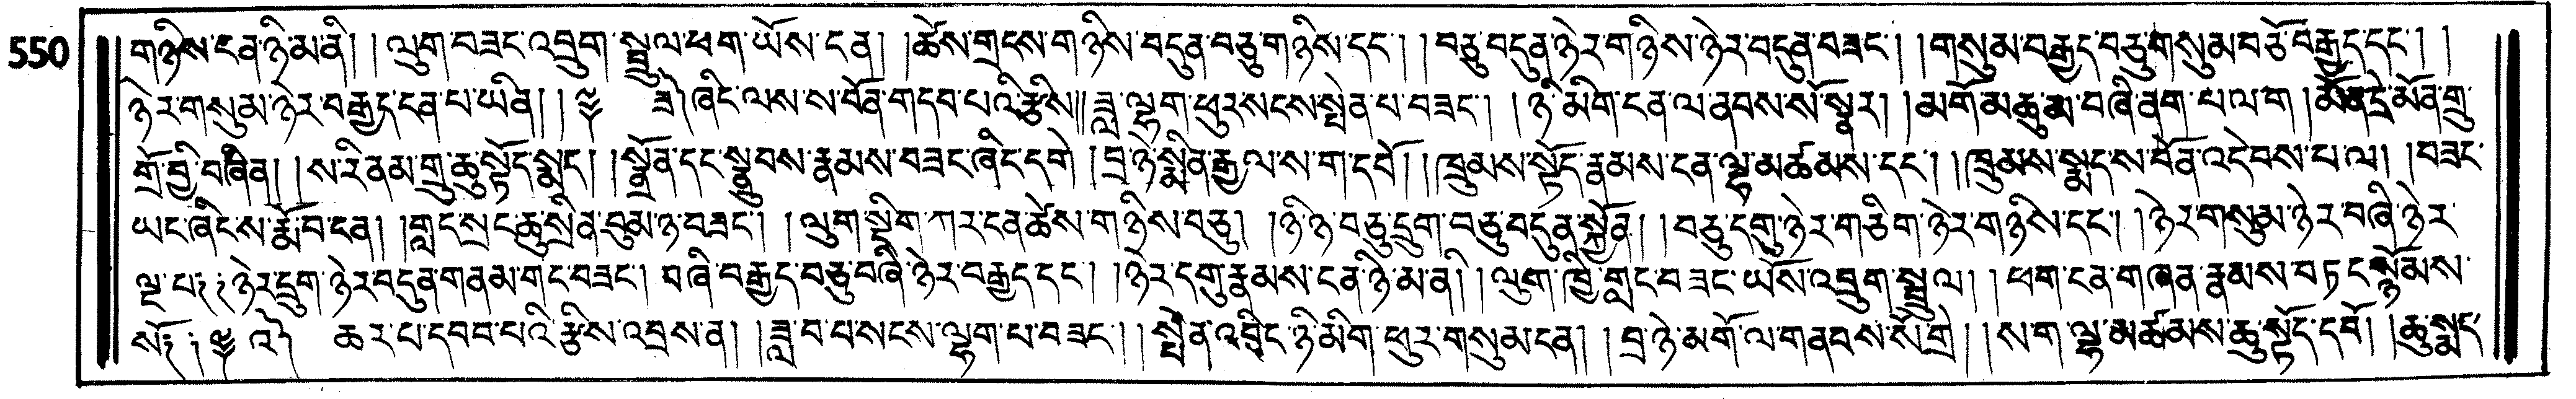གཉིས་ངན་ཉི་མ་ནི། །ལུག་བཟང་འབྲུག་སྦྲུལ་ཕག་ཡོས་ངན། །ཚེས་གྲངས་གཉིས་བདུན་བཅུ་གཉིས་དང་། །བཅུ་བདུན་ཉེར་གཉིས་ཉེར་བདུན་བཟང་། །གསུམ་བརྒྱད་བཅུ་གསུམ་བཅོ་བརྒྱད་དང་། །
ཉེར་གསུམ་ཉེར་བརྒྱད་ངན་པ་ཡིན། ། འ་ཟ་ཞིང་ལས་ས་བོན་གདབ་པའི་རྩིས། །ཟླ་ལྷག་ཕུར་སངས་སྤེན་པ་བཟང་། །ཉི་མིག་ངན་ལ་ནབས་སོ་སྣར། །མགོ་མཆུ་མ་བཞི་ནག་པ་ལ་ག །མོན་དྲེ་མོན་གྲུ་
གྲོ་བྱི་བཞིན། །ས་རི་ནམ་གྲུ་ཆུ་སྟོད་སྨད། །སྣྲོན་དང་སྣྲུབས་རྣམས་བཟང་ཞིང་དགེ །བྲ་ཉེ་སྨིན་རྒྱ་ལས་ས་ག་དབོ། །ཁྲུམས་སྟོད་རྣམས་ངན་ལྷ་མཚམས་དང་། །ཁྲུམས་སྨད་ས་བོན་འདེབས་པ་ལ། །བཟང་
ཡང་ཞིང་ས་རྨོ་བ་ངན། །གླང་སྲང་ཆུ་སྲིན་བུམ་ཉ་བཟང་། །ལུག་སྡིག་ཀར་ངན་ཚེས་གཉིས་བཅུ། །ཉི་ཉ་བཅུ་དྲུག་བཅུ་བདུན་སྐྱོན། །བཅུ་དགུ་ཉེར་གཅིག་ཉེར་གཉིས་དང་། །ཉེར་གསུམ་ཉེར་བཞི་ཉེར་
ལྔ་པ༑ ༑ཉེར་དྲུག་ཉེར་བདུན་གནམ་གང་བཟང་། བཞི་བརྒྱད་བཅུ་བཞི་ཉེར་བརྒྱད་དང་། །ཉེར་དགུ་རྣམས་ངན་ཉི་མ་ནི། །ལུག་ཁྱི་གླང་བཟང་ཡོས་འབྲུག་སྤྲུལ། །ཕག་ངན་གཞན་རྣམས་བཏང་སྙོམས་
སོ༑ ༑ འ་ཨའ་ཆར་པ་དབབ་པའི་རྩིས་འབྲས་ན། །ཟླ་བ་པ་སངས་ལྷག་པ་བཟང་། །སྤེན་འབྲང་ཉི་མིག་ཕུར་གསུམ་ངན། །བྲ་ཉེ་མགོ་ལ་གནབས་སོ་གྲེ། །ས་ག་ལྷ་མཚམས་ཆུ་སྟོད་དབོ། །ཆུ་སྨད་